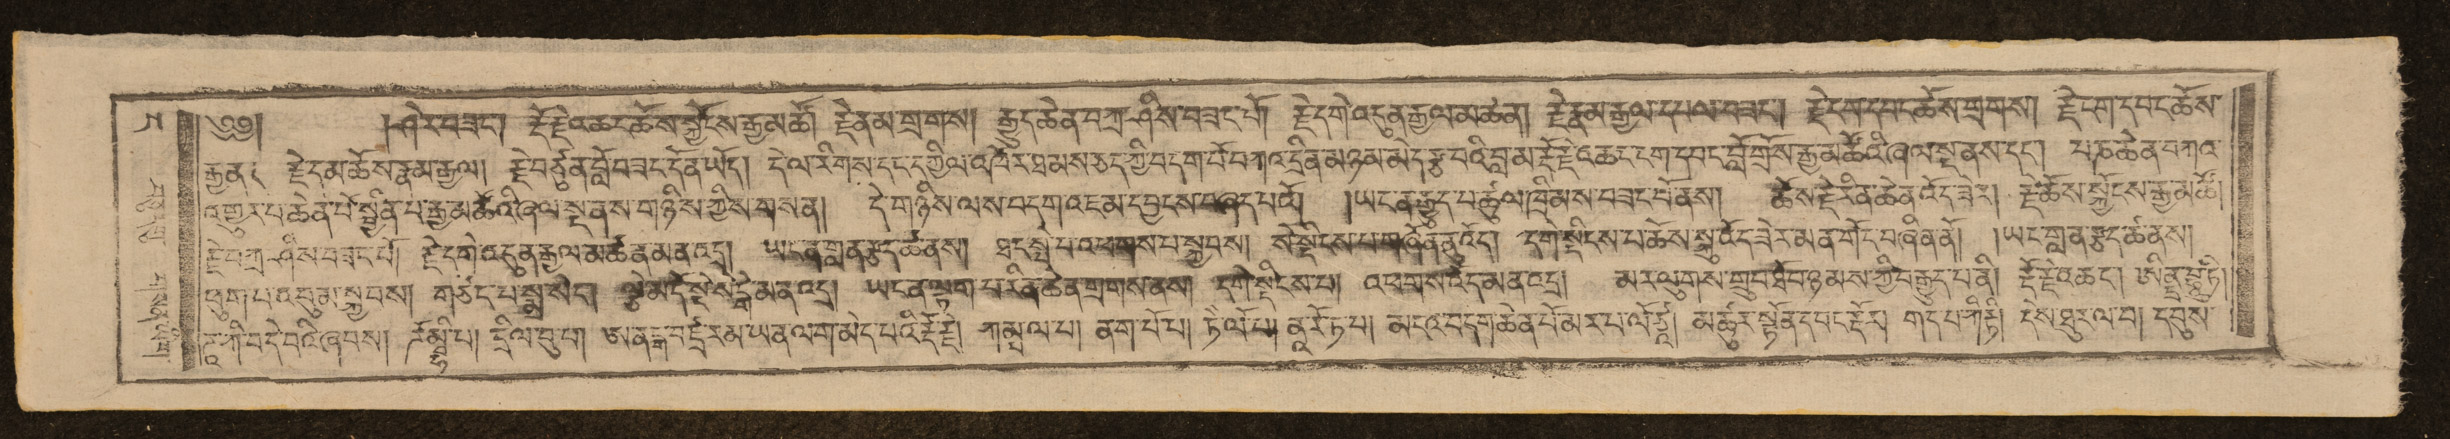༄༅། །ཤེར་བཟང་། རྡོ་རྗེ་འཆང་ཆོས་སྐྱོངས་རྒྱ་མཚོ། རྗེ་ནམ་གྲགས། རྒྱུད་ཆེན་བཀྲ་ཤིས་བཟང་པོ། རྗེ་དགེ་འདུན་རྒྱལ་མཚན། རྗེ་རྣམ་རྒྱལ་དཔལ་བཟང་། རྗེ་དག་དབང་ཆོས་གྲགས། རྗེ་དག་དབང་ཆོས་
རྒྱན༑ རྗེ་དམ་ཆོས་རྣམ་རྒྱལ། རྗེ་བཙུན་བློ་བཟང་དོན་ཡོད། དེ་ལ་རིགས་དང་དཀྱིལ་འཁོར་ཐམས་ཅད་ཀྱི་བདག་པོ་བཀའ་དྲིན་མཉམ་མེད་རྩ་བའི་བླ་མ་རྡོ་རྗེ་འཆང་ངག་དབང་བློ་གྲོས་རྒྱ་མཚོའི་ཞལ་སྔ་ནས་དང་། པཎ་ཆེན་བཀའ་
འགྱུར་པ་ཆེན་པོ་སྦྱིན་པ་རྒྱ་མཚོའི་ཞལ་སྔ་ནས་གཉིས་ཀྱིས་གསན། དེ་གཉིས་ལས་བདག་འཇམ་དབྱངས་བཞད་པའོ། །ཡང་ན་རྒྱུད་པ་ཚུལ་ཁྲིམས་བཟང་པོ་ནས། ཆོས་རྗེ་རིན་ཆེན་འོད་ཟེར། རྗེ་ཆོས་སྐྱོངས་རྒྱ་མཚོ།
རྗེ་བཀྲ་ཤིས་བཟང་པོ། རྗེ་དགེ་འདུན་རྒྱལ་མཚན་མན་འདྲ། ཡང་ན་གླན་རྩད་ཚ་ནས། ཐང་སྤེ་བ་འཕགས་པ་སྐྱབས། སེ་སྡིངས་པ་གཞོན་ནུ་འོད། དགེ་སྡིགས་པ་ཆོས་སྐུ་འོད་ཟེར་མན་གོང་བཞིན་ནོ། །ཡང་གླན་རྩད་ཚ་ནས།
ཕུག་པ་འབུམ་སྐྱབས། གཙང་པ་སྨྲ་སེང་། ལྕེ་མདོ་སྡེ་སེངྒེ་མན་འདྲ། ཡང་ན་ལྟག་པ་རིན་ཆེན་གྲགས་ནས། དགེ་སྡིངས་པ། འཕགས་འོད་མན་འདྲ། མར་ལུགས་གྲུབ་ཐོབ་ཉམས་ཀྱི་བརྒྱུད་པ་ནི། རྡོ་རྗེ་འཆང་། ཨིནྡྲ་བྷཱ་ཏི།
ཌཱ་ཀི་བདེ་བའི་ཞབས། ཌོམྦྷི་པ། དྲིལ་བུ་པ། ཨ་ངྒ་བཛྲ་རམ་ཡན་ལག་མེད་པའི་རྡོ་རྗེ། ཀམྤ་ལ་པ། ནག་པོ་པ། ཏཻ་ལོ་པ། ནཱ་རོ་ཏ་པ། མངའ་བདག་ཆེན་པོ་མར་པ་ལོ་ཙཱ། མཚུར་སྟོན་དབང་རྡོར། གད་པ་ཀིརྟི། དེས་ཐུར་ལ་བ། དབུས་